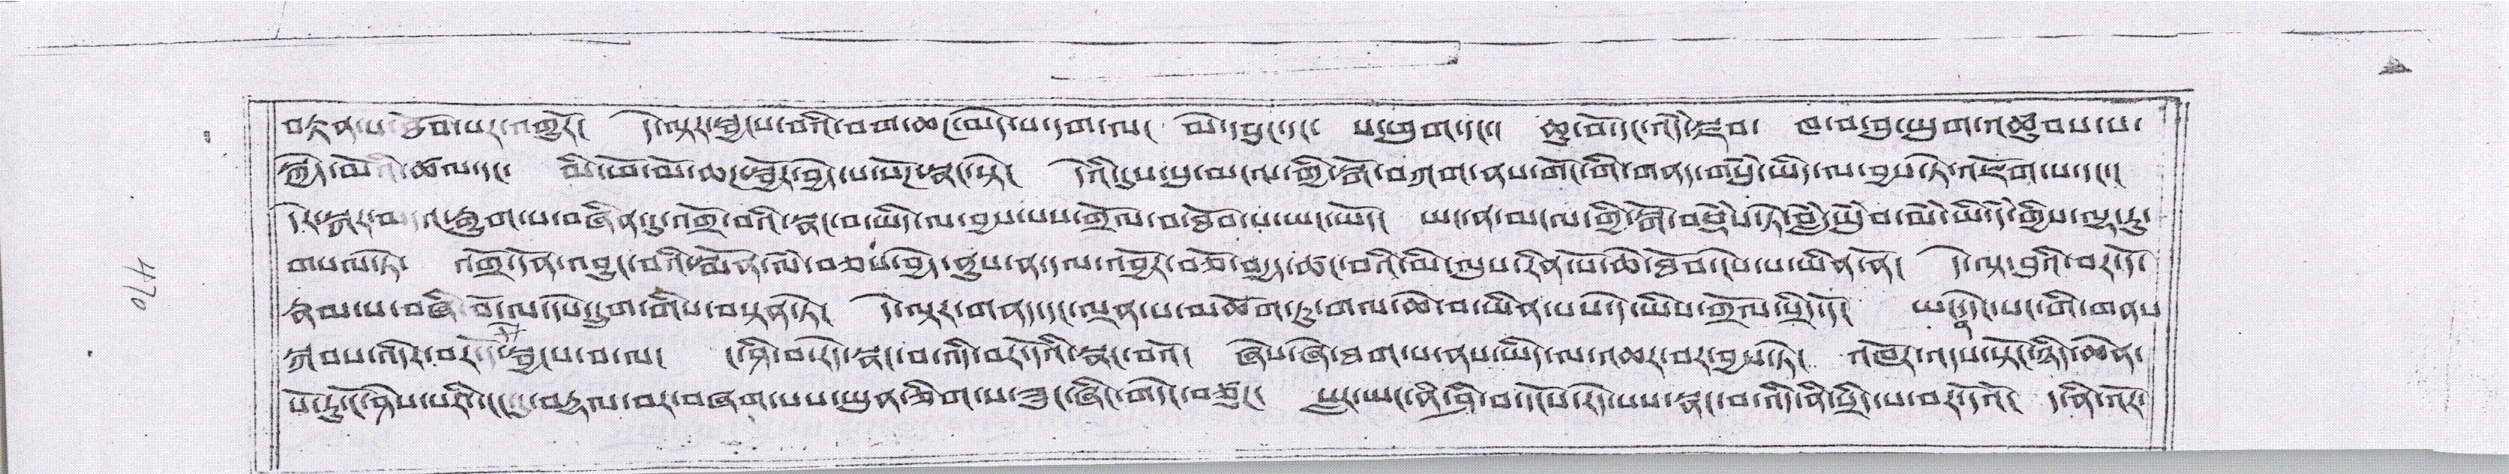བརྟན་པ་ཐོབ་པར་འགྱུར་རོ། དེ་ལྟར་སྦྱངས་པའི་བག་ཆགས་མེད་པ་དག་ལ། མེ་དཔུང་དང་། ས་ཕུག་དང་། ཆུ་བོ་དང་འདམ་རྫབ། ཁ་བ་བུ་ཡུག་འཚུབས་པ་
སྐྱེད་མོའི་ཚལ་དང་། མི་ཕོ་མོ་ཆགས་སྦྱོར་བྱེད་པ་སོགས་སྣང་སྟེ། དེའི་དུས་སུ་མངལ་གྱི་སྒོ་བཀག་ནས་གོང་གི་གནད་གསུམ་ཡིད་ལ་བྱས་ཏེ་འཇོག་པ་དང་། 
དེར་སྐར་མདའ་རྒྱུག་པ་བཞིན་དུ་འགྲོ་བའི་སྣང་བ་ཡིད་ལ་བྱས་པས་གྲོལ་བ་ཐོབ་པའང་ཡོད། ཡང་ན་མངལ་གྱི་སྒོ་བསྡམས་ཏེ་བླ་མ་ཡབ་ཡུམ་མམ་ཡི་དམ་གྱི་ལྷ་རུ་
གསལ་ཏེ། འགྲོ་དོན་འབྱུང་བའི་སྨོན་ལམ་བཅས་བྱེད་ནུས་ན་དལ་འབྱོར་བཅོ་བརྒྱད་ཚང་བའི་མི་ལུས་རིན་པོ་ཆེ་ཐོབ་ངེས་པ་ཡིན་ནོ། དེ་ལྟ་བུའི་བར་དོ་
རྣམ་པ་བཞི་པོ་ལ་དཔེ་དྲུག་གིས་བསྟན་ཏེ། དེ་ལྟར་གནད་དང་ལྡན་པ་མཆོག་ཏུ་གལ་ཆེ་བ་ཡིན་པས་དེ་ཡིས་གྲོལ་སྲིད་དོ། ཡང་ན་དེང་སང་གི་གནས་
སྐབས་འདིར་བར་དོ་རེ་སྦྱངས་པ་ལ། ང་ཤི་བ་རེད་སྣང་བ་འདི་བར་དོའི་སྣང་བའོ། ཞེས་ཞེ་ཐག་པ་ནས་ཡིད་ལ་འཆར་བར་བྱས་ཏེ་འཁོར་འདས་སྟོང་ཉིད་ཆེན་
པོ་རུ་ངོ་ཤེས་པར་ངང་དུ་བརྡལ་བར་བཞག་པས་ཡུན་ཅིག་ས་ཟུང་ཞིང་གདེང་བཙུགས། སླར་ཡང་ནི་ཤི་བ་དངོས་རེད་པས་སྣང་བ་འདི་ནི་སྲིད་པ་བར་དོའོ། ད་ནི་འཁོར་